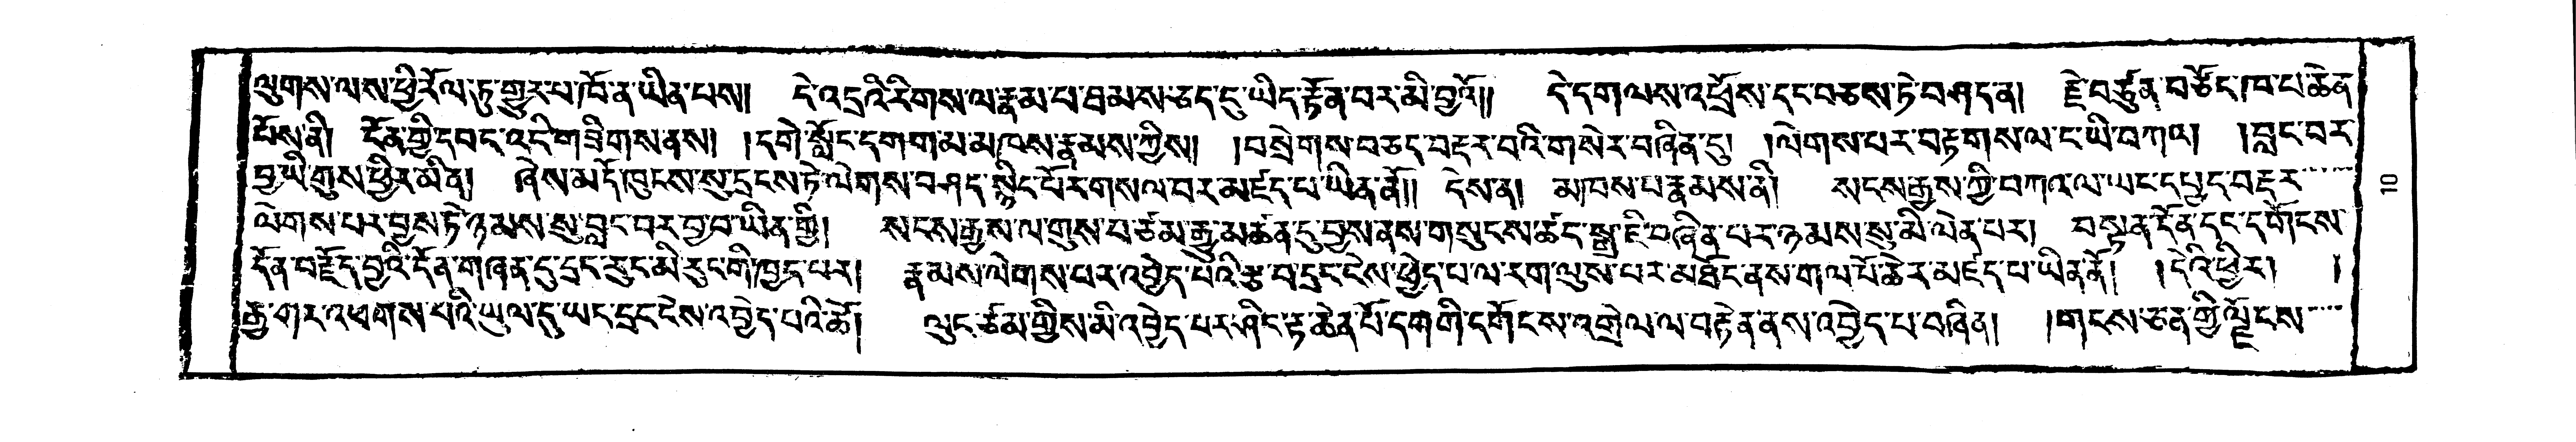ལུགས་ལས་ཕྱི་རོལ་ཏུ་གྱུར་པ་ཁོ་ན་ཡིན་པས། དེ་འདྲའི་རིགས་ལ་རྣམ་པ་ཐམས་ཅད་དུ་ཡིད་རྟོན་པར་མི་བྱའོ།། དེ་དག་ལས་འཕྲོས་དང་བཅས་ཏེ་བཤད་ན། རྗེ་བཙུན་བཙོང་ཁ་པ་ཆེན་
པོས་ནི། དོན་གྱི་དབང་འདི་གཟིགས་ནས། །དགེ་སློང་དགག་མ་མཁས་རྣམས་ཀྱིས། །བསྲེགས་བཅད་བརྡར་བའི་གསེར་བཞིན་དུ། །ལེགས་པར་བརྟགས་ལ་ང་ཡི་བཀའ། །བླང་བར་
བྱ་ཡི་གུས་ཕྱིར་མིན། ཞེས་མདོ་ཁུངས་སུ་དྲངས་ཏེ་ལེགས་བཤད་སྙིང་པོར་གསལ་བར་མཛད་པ་ཡིན་ནོ།། དེས་ན། མཁས་པ་རྣམས་ནི། སངས་རྒྱས་ཀྱི་བཀའ་ལ་ཡང་དཔྱད་བརྡར་
ལེགས་པར་བྱས་ཏེ་ཉམས་སུ་བླང་བར་བྱ་བ་ཡིན་གྱི། སངས་རྒྱས་ལ་གུས་པ་ཙམ་རྒྱུ་མཚན་དུ་བྱས་ནས་གསུངས་ཚད་སྒྲ་ཇི་བཞིན་པར་ཉམས་སུ་མི་ལེན་པར། བསྟན་དོན་དང་དགོངས་
དོན་བརྗོད་བྱའི་དོན་གཞན་དུ་དྲང་རུང་མི་རུང་གི་ཁྱད་པར། རྣམས་ལེགས་པར་འབྱེད་པའི་རྩ་བ་དྲང་ངེས་ཕྱེད་པ་ལ་རག་ལུས་པར་མཐོང་ནས་གལ་པོ་ཆེར་མཛད་པ་ཡིན་ནོ། །དེའི་ཕྱིར། །
རྒྱ་གར་འཕགས་པའི་ཡུལ་དུ་ཡང་དྲང་ངེས་འབྱེད་པའི་ཚེ། ལུང་ཙམ་གྱིས་མི་འབྱེད་པར་ཤིང་རྟ་ཆེན་པོ་དག་གི་དགོངས་འགྲེལ་ལ་བརྟེན་ནས་འབྱེད་པ་བཞིན། །གངས་ཅན་གྱི་ལྗོངས་